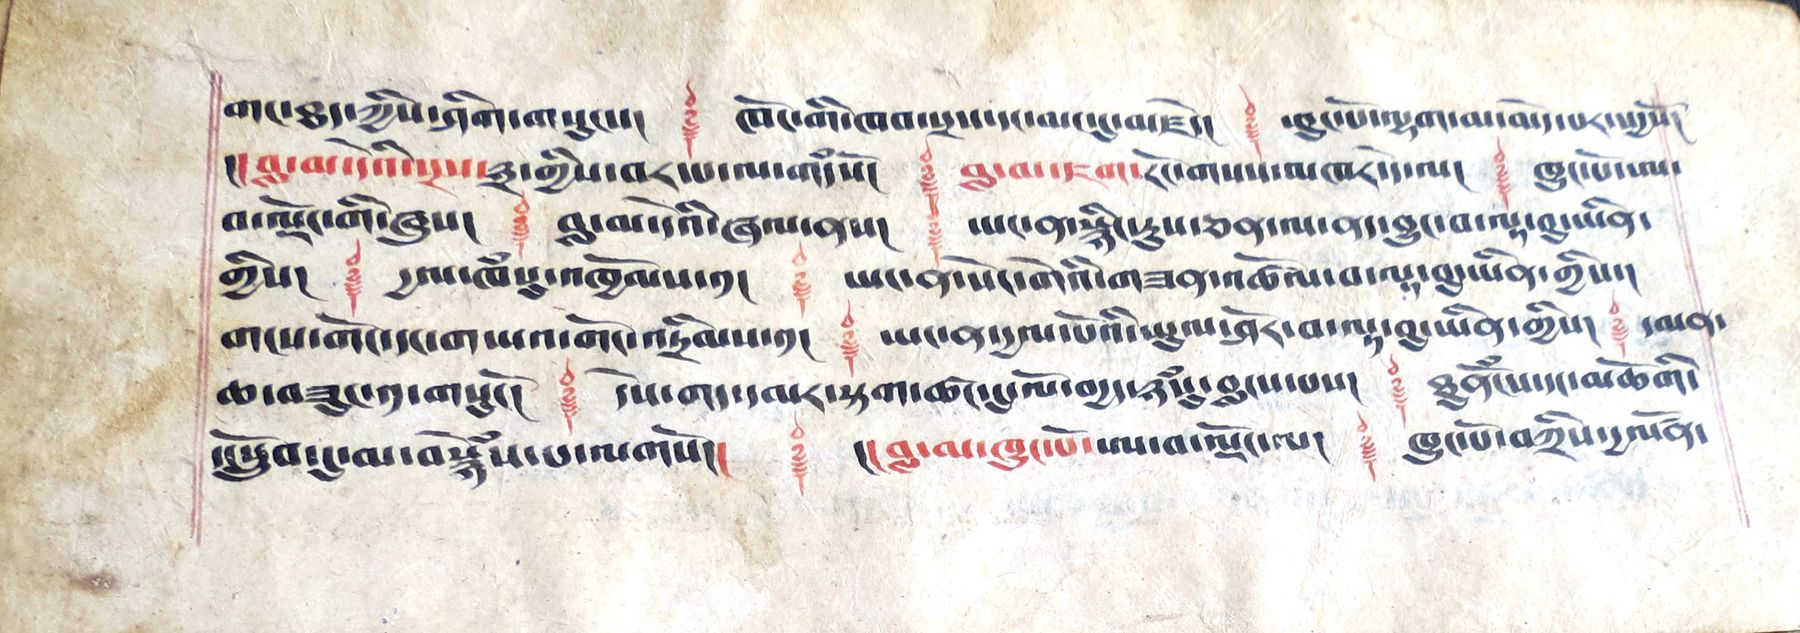གང་འཐད་གྱིས་ཤིག་གསུངས། ཁོང་གིས་ཁབ་སྲས་དང་མང་དུ་མཛད་དེ། ཕུང་པོ་ལྷག་མ་མེད་པར་སངས་རྒྱས་སོ། ། 
བླ་མ་དེས་སྲས་གསུམ་གྱི་བར་མ་ལ་གདམས་སོ། ། བླ་མ་ཇག་རོང་གསས་མཁར་དེ་ལ། ཁྱུང་པོ་ཨ་
བ་ལྡོང་གིས་ཞུས། བླ་མའི་ཞལ་ནས། ཡང་ན་སྙིང་རུས་ཅན་ལ་ནད་བྱུང་བ་ལྟ་བུ་ཡིན་
གྱི། རྒྱལ་ཁམས་སུ་འཁྱོམས་ཤིག ཡང་ན་སེང་གེས་གཟན་འཚོལ་ལྟ་བུ་ཡིན་གྱི། 
གངས་གོང་དང་གཡའ་གོང་འགྲིམས་ཤིག ཡང་ན་རྒྱལ་པོ་ཡུལ་ཤོར་བ་ལྟ་བུ་ཡིན་གྱི། དམན་
ཆ་ཟུངས་ཤིག་གསུངས་སོ། ། དེས་གད་དམར་སྟག་ཚང་དུ་ལོ་བརྒྱད་ཉམས་སུ་བླངས་པས། ཐུན་མོང་དང་མཆོག་གི་
དངོས་གྲུབ་དུ་མ་བསྙེམས་པ་ལགས་སོ། ། བླ་མ་ཁྱུང་པོ་ཨ་བ་ལྡོང་ལ། ཁྱུང་པོ་བཀྲ་ཤིས་རྒྱལ་མཚན་